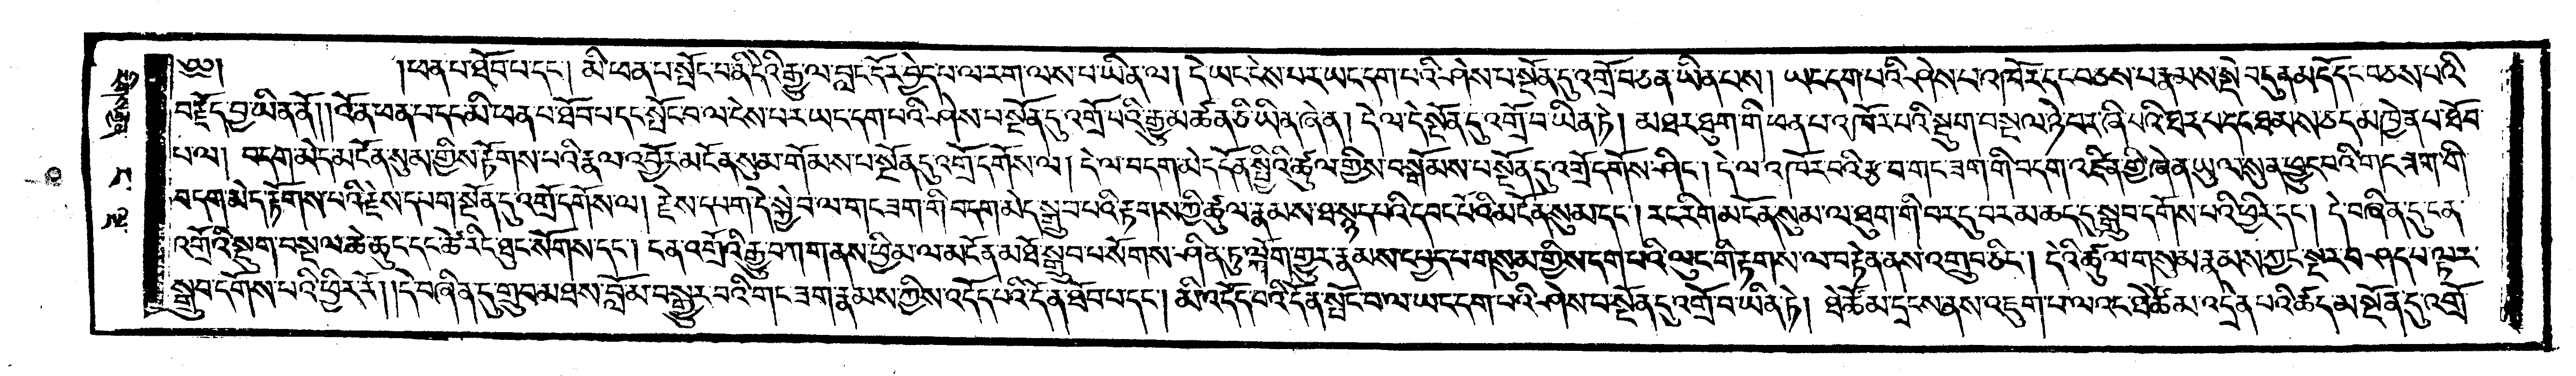༄༅། །ཕན་པ་ཐོབ་པ་དང་། མི་ཕན་པ་སྤོང་བ་ནི་དེའི་རྒྱུ་ལ་བླང་དོར་བྱེད་པ་ལ་རག་ལས་པ་ཡིན་ལ། དེ་ཡང་ངེས་པར་ཡང་དག་པའི་ཤེས་པ་སྔོན་དུ་འགྲོ་བ་ཅན་ཡིན་པས། ཡང་དག་པའི་ཤེས་པ་འཁོར་དང་བཅས་པ་རྣམས་སྡེ་བདུན་མདོ་དང་བཅས་པའི་
བརྗོད་བྱ་ཡིན་ནོ། །འོ་ན་ཕན་པ་དང་མི་ཕན་པ་ཐོབ་པ་དང་སྤོང་བ་ལ་ངེས་པར་ཡང་དག་པའི་ཤེས་པ་སྔོན་དུ་འགྲོ་བའི་རྒྱུ་མཚན་ཅི་ཡིན་ཞེ་ན། དེ་ལ་དེ་སྔོན་དུ་འགྲོ་བ་ཡིན་ཏེ། མཐར་ཐུག་གི་ཕན་པ་འཁོར་བའི་སྡུག་བསྔལ་ཉེ་བར་ཞི་བའི་ཐར་པ་དང་ཐམས་ཅད་མཁྱེན་པ་ཐོབ་
པ་ལ༑ བདག་མེད་མངོན་སུམ་གྱིས་རྟོགས་པའི་རྣལ་འབྱོར་མངོན་སུམ་གོམས་པ་སྔོན་དུ་འགྲོ་དགོས་ལ། དེ་ལ་བདག་མེད་དོན་སྤྱིའི་ཚུལ་གྱིས་བསྒོམས་པ་སྔོན་དུ་འགྲོ་དགོས་ཤིང་། དེ་ལ་འཁོར་བའི་རྩ་བ་གང་ཟག་གི་བདག་འཛིན་གྱི་ཞེན་ཡུལ་སུན་ཕྱུང་བའི་གང་ཟག་གི་
བདག་མེད་རྟོགས་པའི་རྗེས་དཔག་སྔོན་དུ་འགྲོ་དགོས་ལ། རྗེས་དཔག་དེ་སྐྱེ་བ་ལ་གང་ཟག་གི་བདག་མེད་སྒྲུབ་པའི་རྟགས་ཀྱི་ཚུལ་རྣམས་ཐ་སྙད་པའི་དབང་པོའི་མངོན་སུམ་དང་། རང་རིག་མངོན་སུམ་ལ་ཐུག་གི་བར་དུ་བར་མ་ཆད་དུ་སྒྲུབ་དགོས་པའི་ཕྱིར་དང་། དེ་བཞིན་དུ་ངན་
འགྲོའི་སྡུག་བསྔལ་ཆེ་ཆུང་དང་ཚེ་རིང་ཐུང་སོགས་དང་། ངན་འགྲོའི་རྒྱུ་བཀག་ནས་ཕྱི་མ་ལ་མངོན་མཐོ་སྒྲུབ་པ་སོགས་ཤིན་ཏུ་ལྐོག་གྱུར་རྣམས་དཔྱད་པ་གསུམ་གྱིས་དག་པའི་ལུང་གི་རྟགས་ལ་བརྟེན་ནས་འགྲུབ་ཅིང་། དེའི་ཚུལ་གསུམ་རྣམས་ཀྱང་སྔར་བཤད་པ་ལྟར་
སྒྲུབ་དགོས་པའི་ཕྱིར་རོ། །དེ་བཞིན་དུ་གྲུབ་མཐས་བློ་མ་བསྒྱུར་བའི་གང་ཟག་རྣམས་ཀྱིས་འདོད་པའི་དོན་ཐོབ་པ་དང་། མི་འདོད་པའི་དོན་སྤོང་བ་ལ་ཡང་དག་པའི་ཤེས་པ་སྔོན་དུ་འགྲོ་བ་ཡིན་ཏེ། ཐེ་ཚོམ་དྲངས་ནས་འཇུག་པ་ལའང་ཐེ་ཚོམ་འདྲེན་པའི་ཚད་མ་སྔོན་དུ་འགྲོ་